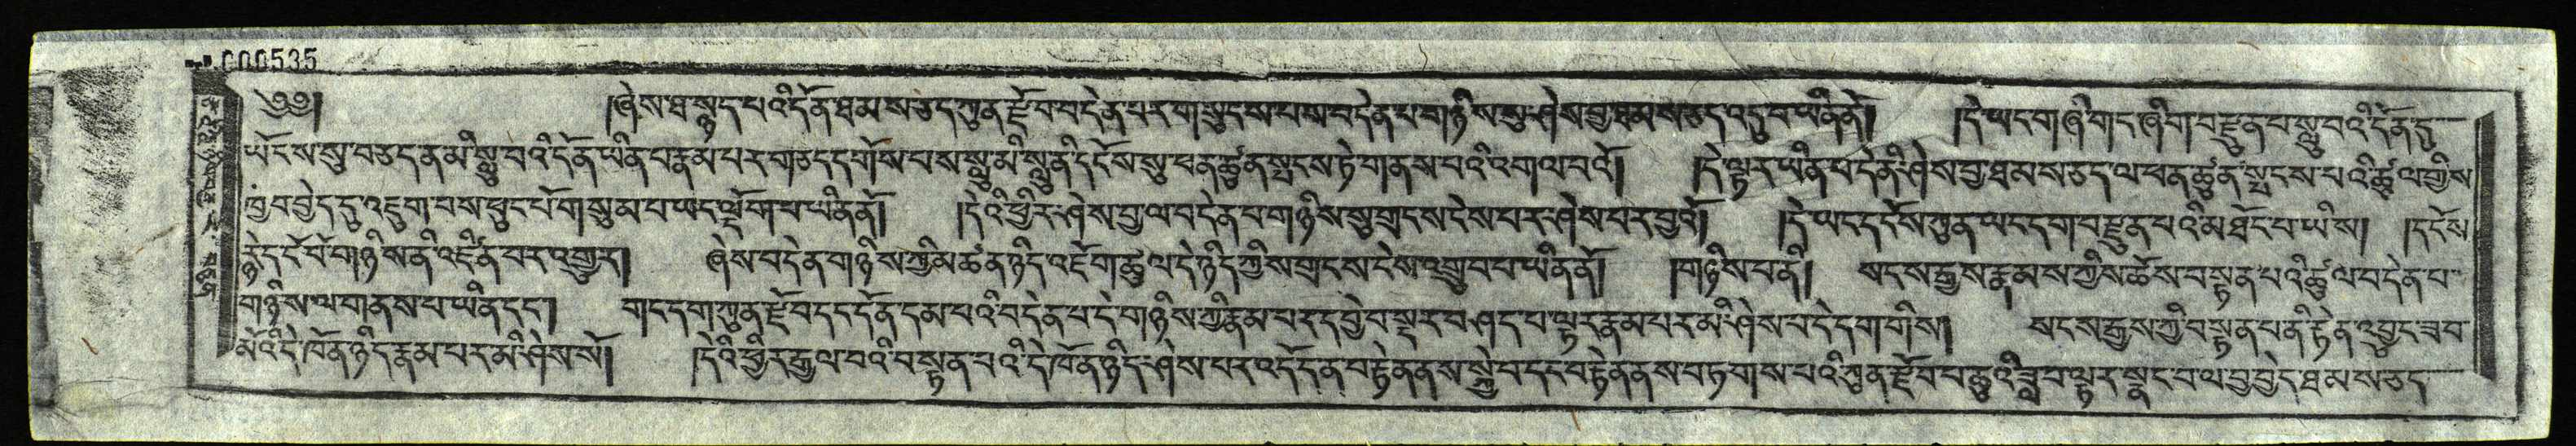༄༅། །ཞེས་ཐ་སྙད་པའི་དོན་ཐམས་ཅད་ཀུན་རྫོབ་བདེན་པར་གསུངས་པས་བདེན་པ་གཉིས་སུ་ཤེས་བྱ་ཐམས་ཅད་འདུ་བ་ཡིན་ནོ། །དེ་ཡང་གཞི་གང་ཞིག་བརྫུན་པ་སླུ་བའི་དོན་དུ་
ཡོངས་སུ་བཅད་ན་མི་སླུ་བའི་དོན་ཡིན་པ་རྣམ་པར་གཅད་དགོས་པས་སླུ་མི་སླུ་ནི་དངོས་སུ་ཕན་ཚུན་སྤངས་ཏེ་གནས་པའི་འགལ་བའོ། །དེ་ལྟར་ཡིན་པ་དེ་ནི་ཤེས་བྱ་ཐམས་ཅད་ལ་ཕན་ཚུན་སྤངས་པའི་ཚུལ་གྱིས་
ཁྱབ་བྱེད་དུ་འཇུག་པས་ཕུང་པོ་གསུམ་པ་ཡང་ལྡོག་པ་ཡིན་ནོ། །དེའི་ཕྱིར་ཤེས་བྱ་ལ་བདེན་པ་གཉིས་སུ་གྲངས་ངེས་པར་ཤེས་པར་བྱའོ། །དེ་ཡང་དངོས་ཀུན་ཡང་དག་བརྫུན་པའི་མཐོང་པ་ཡིས། །དངོས་
རྙེད་ངོ་བོ་གཉིས་ནི་འཛིན་པར་འགྱུར། ཞེས་བདེན་གཉིས་ཀྱི་མཚན་ཉིད་འཇོག་ཚུལ་དེ་ཉིད་ཀྱིས་གྲངས་ངེས་འགྲུབ་པ་ཡིན་ནོ། །གཉིས་པ་ནི། སངས་རྒྱས་རྣམས་ཀྱིས་ཆོས་བསྟན་པའི་ཚུལ་བདེན་པ་
གཉིས་ལ་གནས་པ་ཡིན་དང་། གང་དག་ཀུན་རྫོབ་དང་དོན་དམ་པའི་བདེན་པ་དེ་གཉིས་ཀྱི་རྣམ་པར་དབྱེ་བ་སྔར་བཤད་པ་ལྟར་རྣམ་པར་མི་ཤེས་པ་དེ་དག་གིས། སངས་རྒྱས་ཀྱི་བསྟན་པ་ནི་རྟེན་འབྱུང་ཟབ་
མོའི་དེ་ཁོ་ན་ཉིད་རྣམ་པར་མི་ཤེས་སོ། །དེའི་ཕྱིར་རྒྱལ་བའི་བསྟན་པའི་དེ་ཁོ་ན་ཉིད་ཤེས་པར་འདོད་ན་བརྟེན་ནས་སྐྱེ་བ་དང་བརྟེན་ནས་བཏགས་པའི་ཀུན་རྫོབ་པ་ཆུའི་ཟླ་བ་ལྟར་སྣང་བ་ལ་བྱ་བྱེད་ཐམས་ཅད་